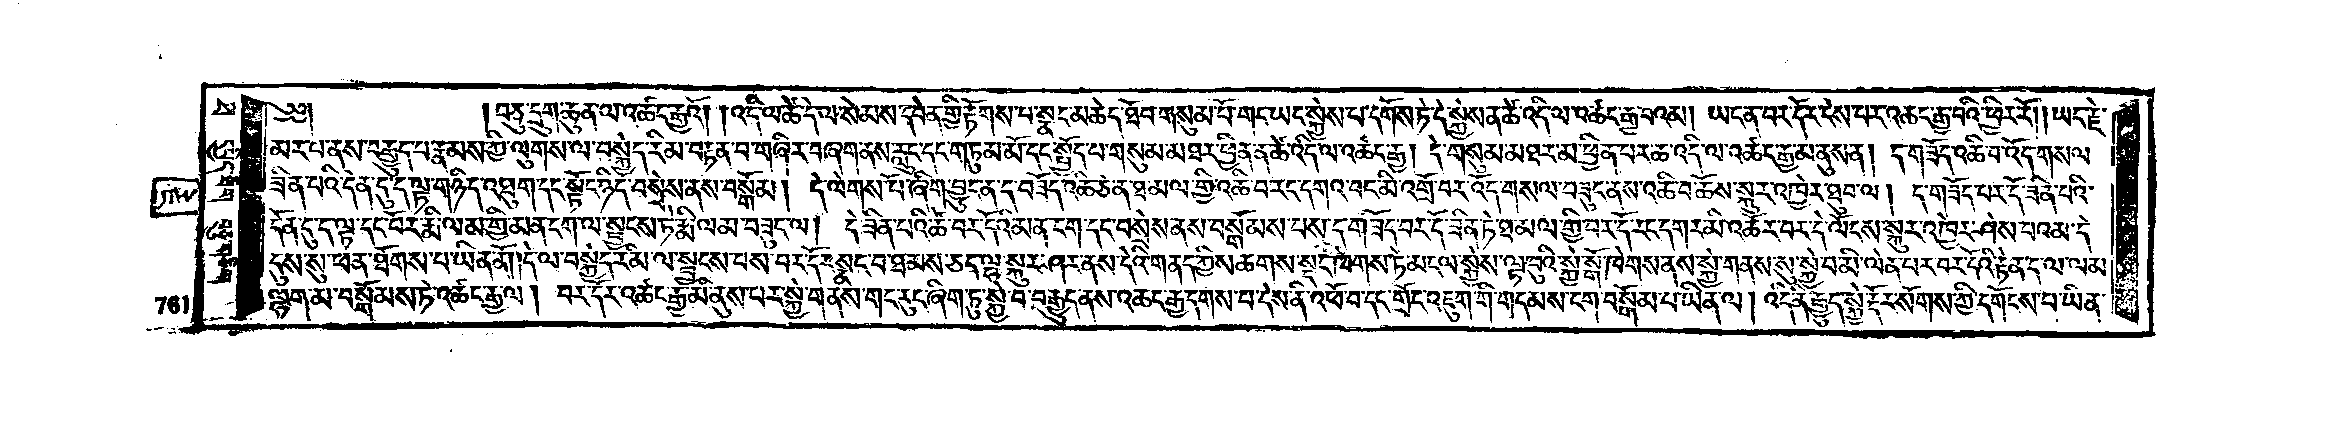༄༅། །བཅུ་དྲུག་ཆུན་ལ་འཚང་རྒྱའོ། །འདི་ལ་ཚེ་དེ་ལ་སེམས་དབེན་གྱི་རྟོགས་པ་སྣང་མཆེད་ཐོབ་གསུམ་པོ་གང་ཡང་སྐྱེས་པ་དགོས་ཏེ་དེ་སྐྱེས་ན་ཚེ་འདི་ལ་འཚང་རྒྱ་བའམ། ཡང་ན་བར་དོར་ངེས་པར་འཚང་རྒྱ་བའི་ཕྱིར་རོ། །ཡང་རྗེ་
མར་པ་ནས་བརྒྱུད་པ་རྣམས་ཀྱི་ལུགས་ལ་བསྐྱེད་རིམ་བརྟན་པ་གཞིར་བཞག་ནས་རླུང་དང་གཏུམ་མོ་དང་སྤྱོད་པ་གསུམ་མཐར་ཕྱིན་ན་ཚེ་འདི་ལ་འཚང་རྒྱ། དེ་གསུམ་མཐར་མ་ཕྱིན་པར་ཆ་འདི་ལ་འཚང་རྒྱ་མ་ནུས་ན། ད་གཟོད་འཆི་བ་འོད་གསལ་
ཟིན་པའི་དོན་དུ་དེ་ལྟ་གཉིད་འཐུག་དང་སྟོང་ཉིད་བསྲེས་ནས་བསྒོམ། དེ་ལེགས་པོ་ཞིག་བྱུང་ན་ད་བཟོད་འཆི་ཅེ་ན་ཐ་མལ་གྱི་འཆི་བ་རང་དགའ་བར་མི་འགྲོ་བར་འོད་གསལ་བཟུང་ནས་འཆི་བ་ཆོས་སྐུར་འཁྱེར་ཐུབ་ལ། ད་གཟོད་པར་དོ་ཟིན་པའི་
དོན་དུ་ད་ལྟ་དང་པོར་རྨི་ལམ་གྱི་མན་ངག་ལ་སྦྱངས་ཏེ་རྨི་ལམ་བཟུང་ལ། དེ་ཟིན་པའི་ཚེ་བར་དོའི་མན་ངག་དང་བསྲས་ནས་བསྒོམས་པས་ད་གཟོད་བར་དོ་ཟིན་ཏེ་ཐ་མལ་གྱི་བར་དོ་རང་དགར་མི་འཚོར་བར་དེ་ལོངས་སྐུར་འཁྱེར་ཤེས་པའམ་དེ་
དུས་སུ་ཕན་ཐོགས་པ་ཡིན་ནོ། །དེ་ལ་བསྐྱེད་རིམ་ལ་སྦྱངས་པས་བར་དོར་སྣང་བ་ཐམས་ཅད་ལྷ་སྐུར་ཤར་ནས་དེའི་གནད་ཀྱིས་ཆགས་སྡང་ཁེགས་ཏེ་མངལ་སྐྱེས་ལྟ་བུའི་སྐྱེ་སྒོ་ཁེགས་ནས་སྐྱེ་གནས་སུ་སྐྱེ་བ་མི་ལེན་པར་བར་དོའི་རྟེན་དེ་ལ་ལམ་
ལྷག་མ་བསྒོམས་ཏེ་འཚང་རྒྱ་ལ། བར་དོར་འཚང་རྒྱ་མི་ནུས་པར་སྐྱེ་གནས་གང་རུང་ཞིག་ཏུ་སྐྱེ་བ་བརྒྱུད་ནས་འཚང་རྒྱ་དགོས་པ་དེས་ནི་འཕོ་བ་དང་གྲོང་འཇུག་གི་གདམས་ངག་བསྒོམ་པ་ཡིན་ལ། འདི་ནི་རྒྱུད་སྐྱེ་རྡོར་སོགས་ཀྱི་དགོངས་པ་ཡིན་